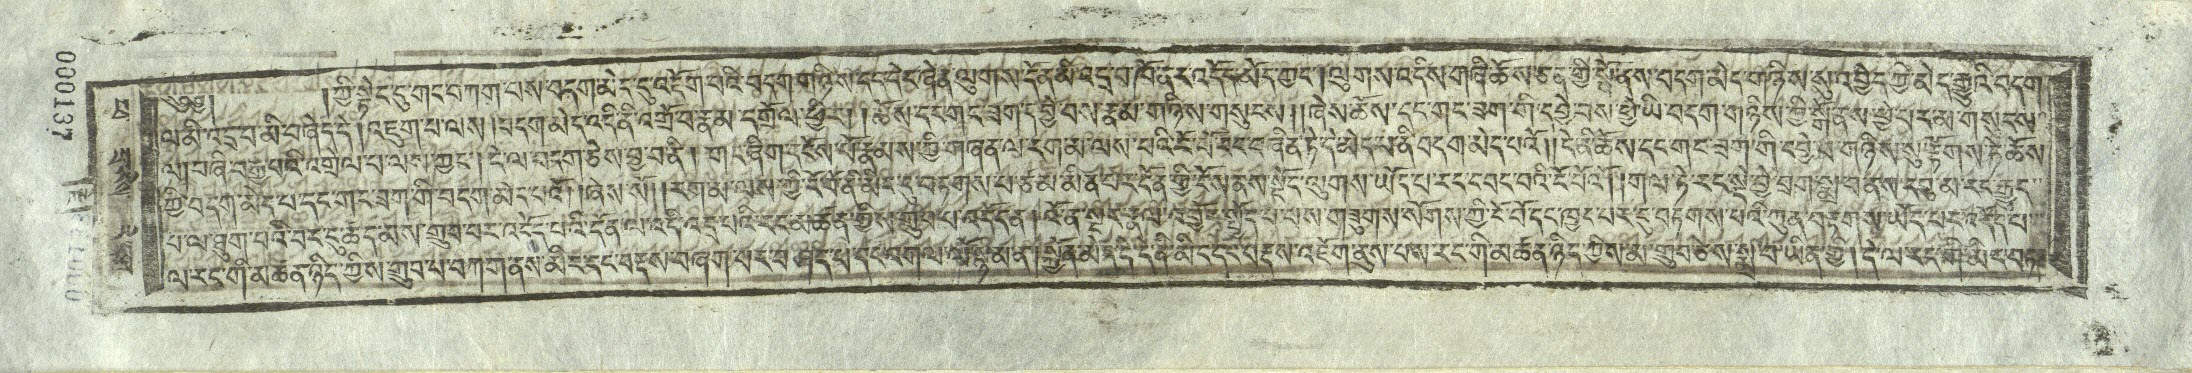༄༅། །ཀྱི་སྟེང་དུ་གང་བཀག་པས་བདག་མེད་དུ་འཇོག་པའི་བདག་གཉིས་དང་དེར་ཞེན་ལུགས་དོན་མི་འདྲ་བ་ཁོ་ནར་འདོད་མོད་ཀྱང་། ལུགས་འདིས་གཞི་ཆོས་ཅན་གྱི་སྒོ་ནས་བདག་མེད་གཉིས་སུ་འབྱེད་ཀྱི་མེད་རྒྱུའི་བདག་
ལ་མི་འདྲ་བ་མི་བཞེད་དེ། འཇུག་པ་ལས། བདག་མེད་འདི་ནི་འགྲོ་བ་རྣམ་དགྲོལ་ཕྱིར། །ཆོས་དང་གང་ཟག་དབྱེ་བས་རྣམ་གཉིས་གསུངས། །ཞས་ཆོས་དང་གང་ཟག་གི་དབྱེ་བས་ཕྱེ་ཡི་བདག་གཉིས་ཀྱི་སྒོ་ནས་ཕྱེ་པར་མ་གསུངས་
ལ། བཞི་བརྒྱ་པའི་འགྲེལ་པ་ལས་ཀྱང་། དེ་ལ་བདག་ཅེས་བྱ་བ་ནི། གང་ཞིག་དངོས་པོ་རྣམས་ཀྱི་གཞན་ལ་རག་མ་ལས་པའི་ངོ་བོ་རང་བཞིན་ཏེ་དེ་མེད་པ་ནི་བདག་མེད་པའོ། །དེ་ནི་ཆོས་དང་གང་ཟག་གི་དབྱེ་བ་གཉིས་སུ་རྟོགས་ཏེ་ཆོས་
ཀྱི་བདག་མེད་པ་དང་གང་ཟག་གི་བདག་མེད་པའོ། །ཞེས་སོ། །རག་མ་ལས་ཀྱི་ངོ་བོ་ནི་མིང་དུ་བཏགས་པ་ཙམ་མིན་པར་དོན་གྱི་ངོས་ནས་སྡོད་ལུགས་ཡོད་པ་རང་དབང་བའི་ངོ་བོའོ། །གལ་ཏེ་རང་སྡེ་བྱེ་བྲག་སྨྲ་བ་ནས་དབུ་མ་རང་རྒྱུད་
པ་ལ་ཐུག་པའི་བར་དུ་ཚད་མས་གྲུབ་པར་འདོད་པའི་དོན་ལ་འདི་འདྲ་བའི་རང་མཚན་གྱིས་གྲུབ་པ་འདོད་ན། འོ་ན་སྔར་རྣལ་འབྱོར་སྤྱོད་པ་པས་གཟུགས་སོགས་ཀྱི་ངོ་བོ་དང་ཁྱད་པར་དུ་བཏགས་པའི་ཀུན་བརྟགས་ཡོད་པར་འདོད་པ་
ལ་རང་གི་མཚན་ཉིད་ཀྱིས་གྲུབ་པ་བཀག་ནས་མིང་དང་བརྡས་བཞག་པར་བཤད་པ་དང་འགལ་ལ་སྙམ་ན། སྐྱོན་མེད་དེ་དེ་ནི་མིང་དང་བརྡས་འཇོག་ནུས་པས་རང་གི་མཚན་ཉིད་ཀྱིས་མ་གྲུབ་ཅེས་སྨྲ་བ་ཡིན་གྱི། དེ་ལ་རང་གི་མིང་བཏགས་